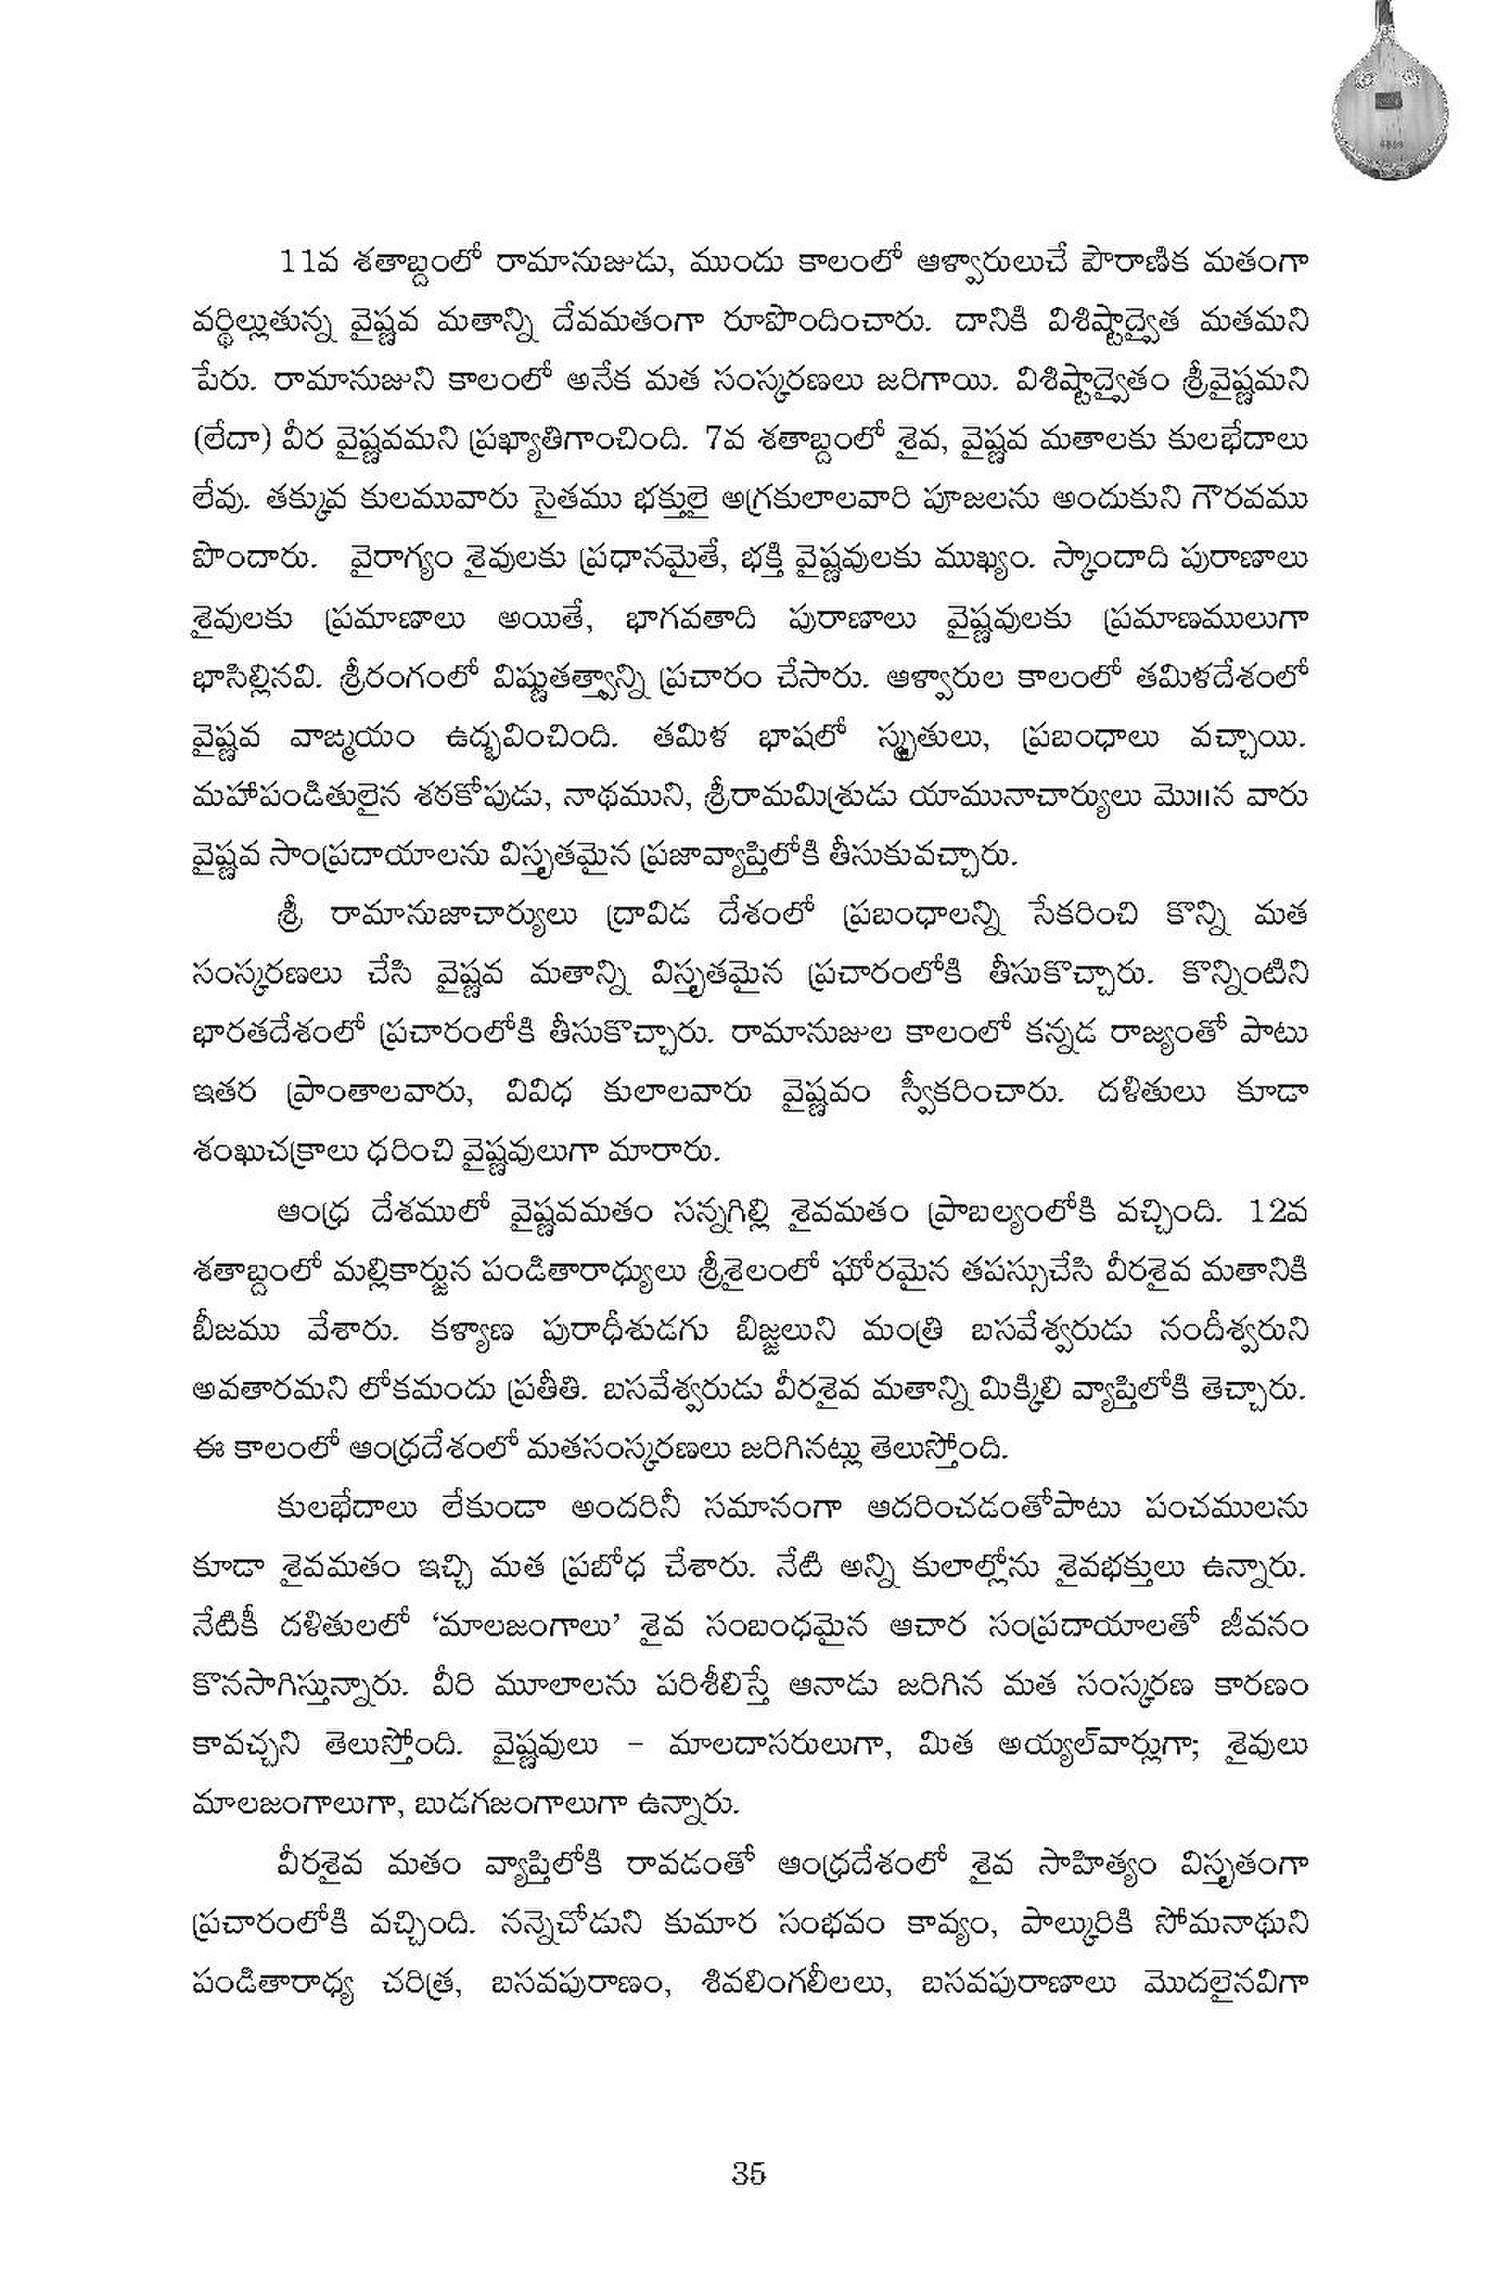11వ శతాబ్దంలో రామానుజుడు, ముందు కాలంలో ఆళ్వారులుచే పౌరాణిక మతంగా వర్ధిల్లుతున్న వైష్ణవ మతాన్ని దేవ మతంగా రూపొందించారు. దానికి విశిష్టాద్వైత మతమని పేరు. రామానుజుని కాలంలో అనేక మత సంస్కరణలు జరిగాయి. విశిష్టాద్వైతం శ్రీవైష్ణమని (లేదా) వీర వైష్ణవమని ప్రఖ్యాతిగాంచింది. 7వ శతాబ్దంలో శైవ, వైష్ణవ మతాలకు కులభేదాలు లేవు. తక్కువ కులమువారు సైతము భక్తులై అగ్రకులాలవారి పూజలను అందుకుని గౌరవము పొందారు. వైరాగ్యం శైవులకు ప్రధానమైతే, భక్తి వైష్ణవులకు ముఖ్యం. స్కాందాది పురాణాలు శైవులకు ప్రమాణాలు అయితే, భాగవతాది పురాణాలు వైష్ణవులకు ప్రమాణములుగా భాసిల్లినవి. శ్రీరంగంలో విష్ణుతత్త్వాన్ని ప్రచారం చేసారు. ఆళ్వారుల కాలంలో తమిళదేశంలో వైష్ణవ వాఙ్మయం ఉద్భవించింది. తమిళ భాషలో స్మృతులు, ప్రబంధాలు వచ్చాయి. మహాపండితులైన శఠకోపుడు, నాథముని, శ్రీరామమిశ్రుడు యామునాచార్యులు మొ౹౹న వారు వైష్ణవ సాంప్రదాయాలను విస్తృతమైన ప్రజా వ్యాప్తిలోకి తీసుకువచ్చారు.

శ్రీ రామానుజాచార్యులు ద్రావిడ దేశంలో ప్రబంధాలన్ని సేకరించి కొన్ని మత సంస్కరణలు చేసి వైష్ణవ మతాన్ని విస్తృతమైన ప్రచారంలోకి తీసుకొచ్చారు. కొన్నింటిని భారతదేశంలో ప్రచారంలోకి తీసుకొచ్చారు. రామానుజుల కాలంలో కన్నడ రాజ్యంతో పాటు ఇతర ప్రాంతాలవారు, వివిధ కులాలవారు వైష్ణవం స్వీకరించారు. దళితులు కూడా శంఖుచక్రాలు ధరించి వైష్ణవులుగా మారారు.

ఆంధ్ర దేశములో వైష్ణవమతం సన్నగిల్లి శైవమతం ప్రాబల్యంలోకి వచ్చింది. 12వ శతాబ్దంలో మల్లికార్జున పండితారాధ్యులు శ్రీశైలంలో ఘోరమైన తపస్సుచేసి వీరశైవ మతానికి బీజము వేశారు. కళ్యాణ పురాధీశుడగు బిజ్జలుని మంత్రి బసవేశ్వరుడు నందీశ్వరుని అవతారమని లోకమందు ప్రతీతి. బసవేశ్వరుడు వీరశైవ మతాన్ని మిక్కిలి వ్యాప్తిలోకి తెచ్చారు. ఈ కాలంలో ఆంధ్రదేశంలో మతసంస్కరణలు జరిగినట్లు తెలుస్తోంది.

కులభేదాలు లేకుండా అందరినీ సమానంగా ఆదరించడంతోపాటు పంచములను కూడా శైవమతం ఇచ్చి మత ప్రబోధ చేశారు. నేటి అన్ని కులాల్లోను శైవభక్తులు ఉన్నారు. నేటికీ దళితులలో 'మాలజంగాలు' శైవ సంబంధమైన ఆచార సంప్రదాయాలతో జీవనం కొనసాగిస్తున్నారు. వీరి మూలాలను పరిశీలిస్తే ఆనాడు జరిగిన మత సంస్కరణ కారణం
కావచ్చని తెలుస్తోంది. వైష్ణవులు మాలదాసరులుగా, మిత అయ్యల్వార్లుగా; శైవులు మాలజంగాలుగా, బుడగజంగాలుగా ఉన్నారు.
-
వీరశైవ మతం వ్యాప్తిలోకి రావడంతో ఆంధ్రదేశంలో శైవ సాహిత్యం విస్తృతంగా ప్రచారంలోకి వచ్చింది. నన్నెచోడుని కుమార సంభవం కావ్యం, పాల్కురికి సోమనాథుని పండితారాధ్య చరిత్ర, బసవపురాణం, శివలింగలీలలు, బసవపురాణాలు మొదలైనవిగా